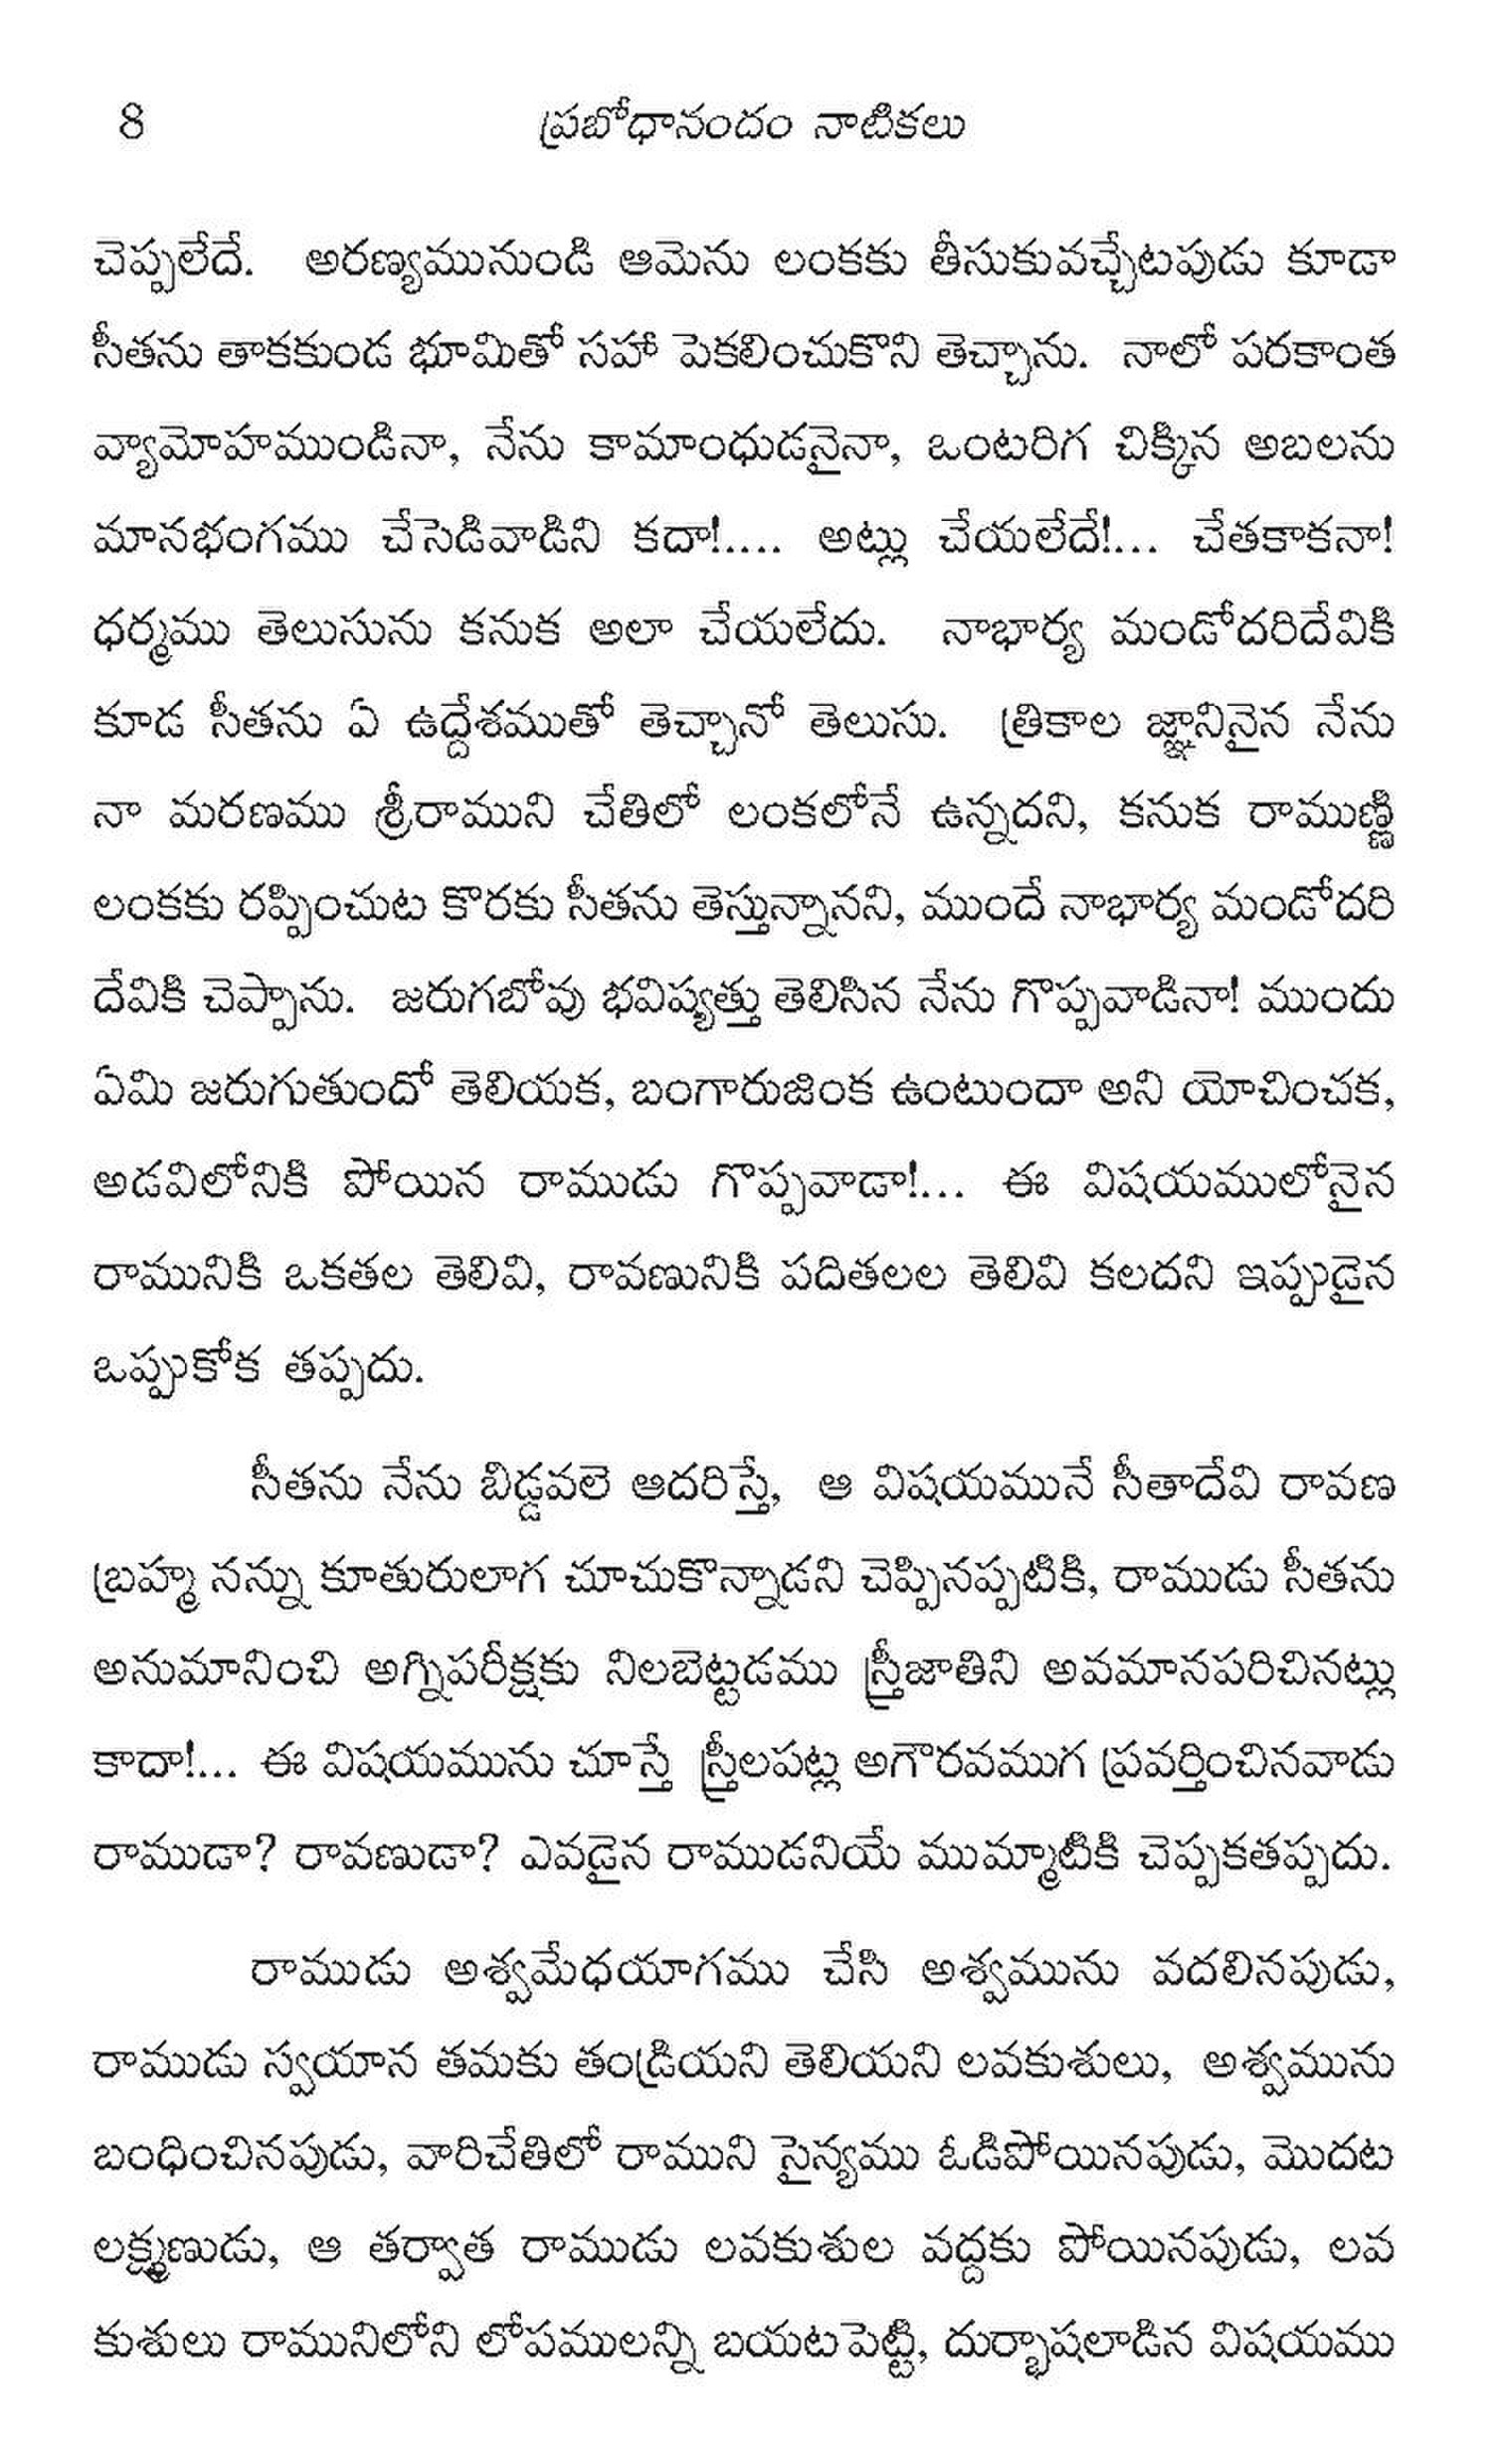చెప్పలేదే. అరణ్యమునుండి ఆమెను లంకకు తీసుకువచ్చేటపుడు కూడా సీతను తాకకుండ భూమితో సహా పెకలించుకొని తెచ్చాను. నాలో పరకాంత వ్యామోహముండినా, నేను కామాంధుడనైనా, ఒంటరిగ చిక్కిన అబలను మానభంగము చేసెడివాడిని కదా!.... అట్లు చేయలేదే!... చేతకాకనా! ధర్మము తెలుసును కనుక అలా చేయలేదు. నాభార్య మండోదరిదేవికి కూడ సీతను ఏ ఉద్దేశముతో తెచ్చానో తెలుసు. త్రికాల జ్ఞానినైన నేను నా మరణము శ్రీరాముని చేతిలో లంకలోనే ఉన్నదని, కనుక రాముణ్ణి లంకకు రప్పించుట కొరకు సీతను తెస్తున్నానని, ముందే నాభార్య మండోదరి దేవికి చెప్పాను. జరుగబోవు భవిష్యత్తు తెలిసిన నేను గొప్పవాడినా! ముందు ఏమి జరుగుతుందో తెలియక, బంగారుజింక ఉంటుందా అని యోచించక, అడవిలోనికి పోయిన రాముడు గొప్పవాడా!... ఈ విషయములోనైన రామునికి ఒకతల తెలివి, రావణునికి పదితలల తెలివి కలదని ఇప్పుడైన ఒప్పుకోక తప్పదు.

సీతను నేను బిడ్డవలె ఆదరిస్తే, ఆ విషయమునే సీతాదేవి రావణ బ్రహ్మ నన్ను కూతురులాగ చూచుకొన్నాడని చెప్పినప్పటికి, రాముడు సీతను అనుమానించి అగ్నిపరీక్షకు నిలబెట్టడము స్త్రీజాతిని అవమానపరిచినట్లు కాదా!... ఈ విషయమును చూస్తే స్త్రీలపట్ల అగౌరవముగ ప్రవర్తించినవాడు రాముడా? రావణుడా? ఎవడైన రాముడనియే ముమ్మాటికి చెప్పకతప్పదు.

రాముడు అశ్వమేధయాగము చేసి అశ్వమును వదలినపుడు, రాముడు స్వయాన తమకు తండ్రియని తెలియని లవకుశులు, అశ్వమును బంధించినపుడు, వారిచేతిలో రాముని సైన్యము ఓడిపోయినపుడు, మొదట లక్ష్మణుడు, ఆ తర్వాత రాముడు లవకుశుల వద్దకు పోయినపుడు, లవ కుశులు రామునిలోని లోపములన్ని బయటపెట్టి, దుర్భాషలాడిన విషయము